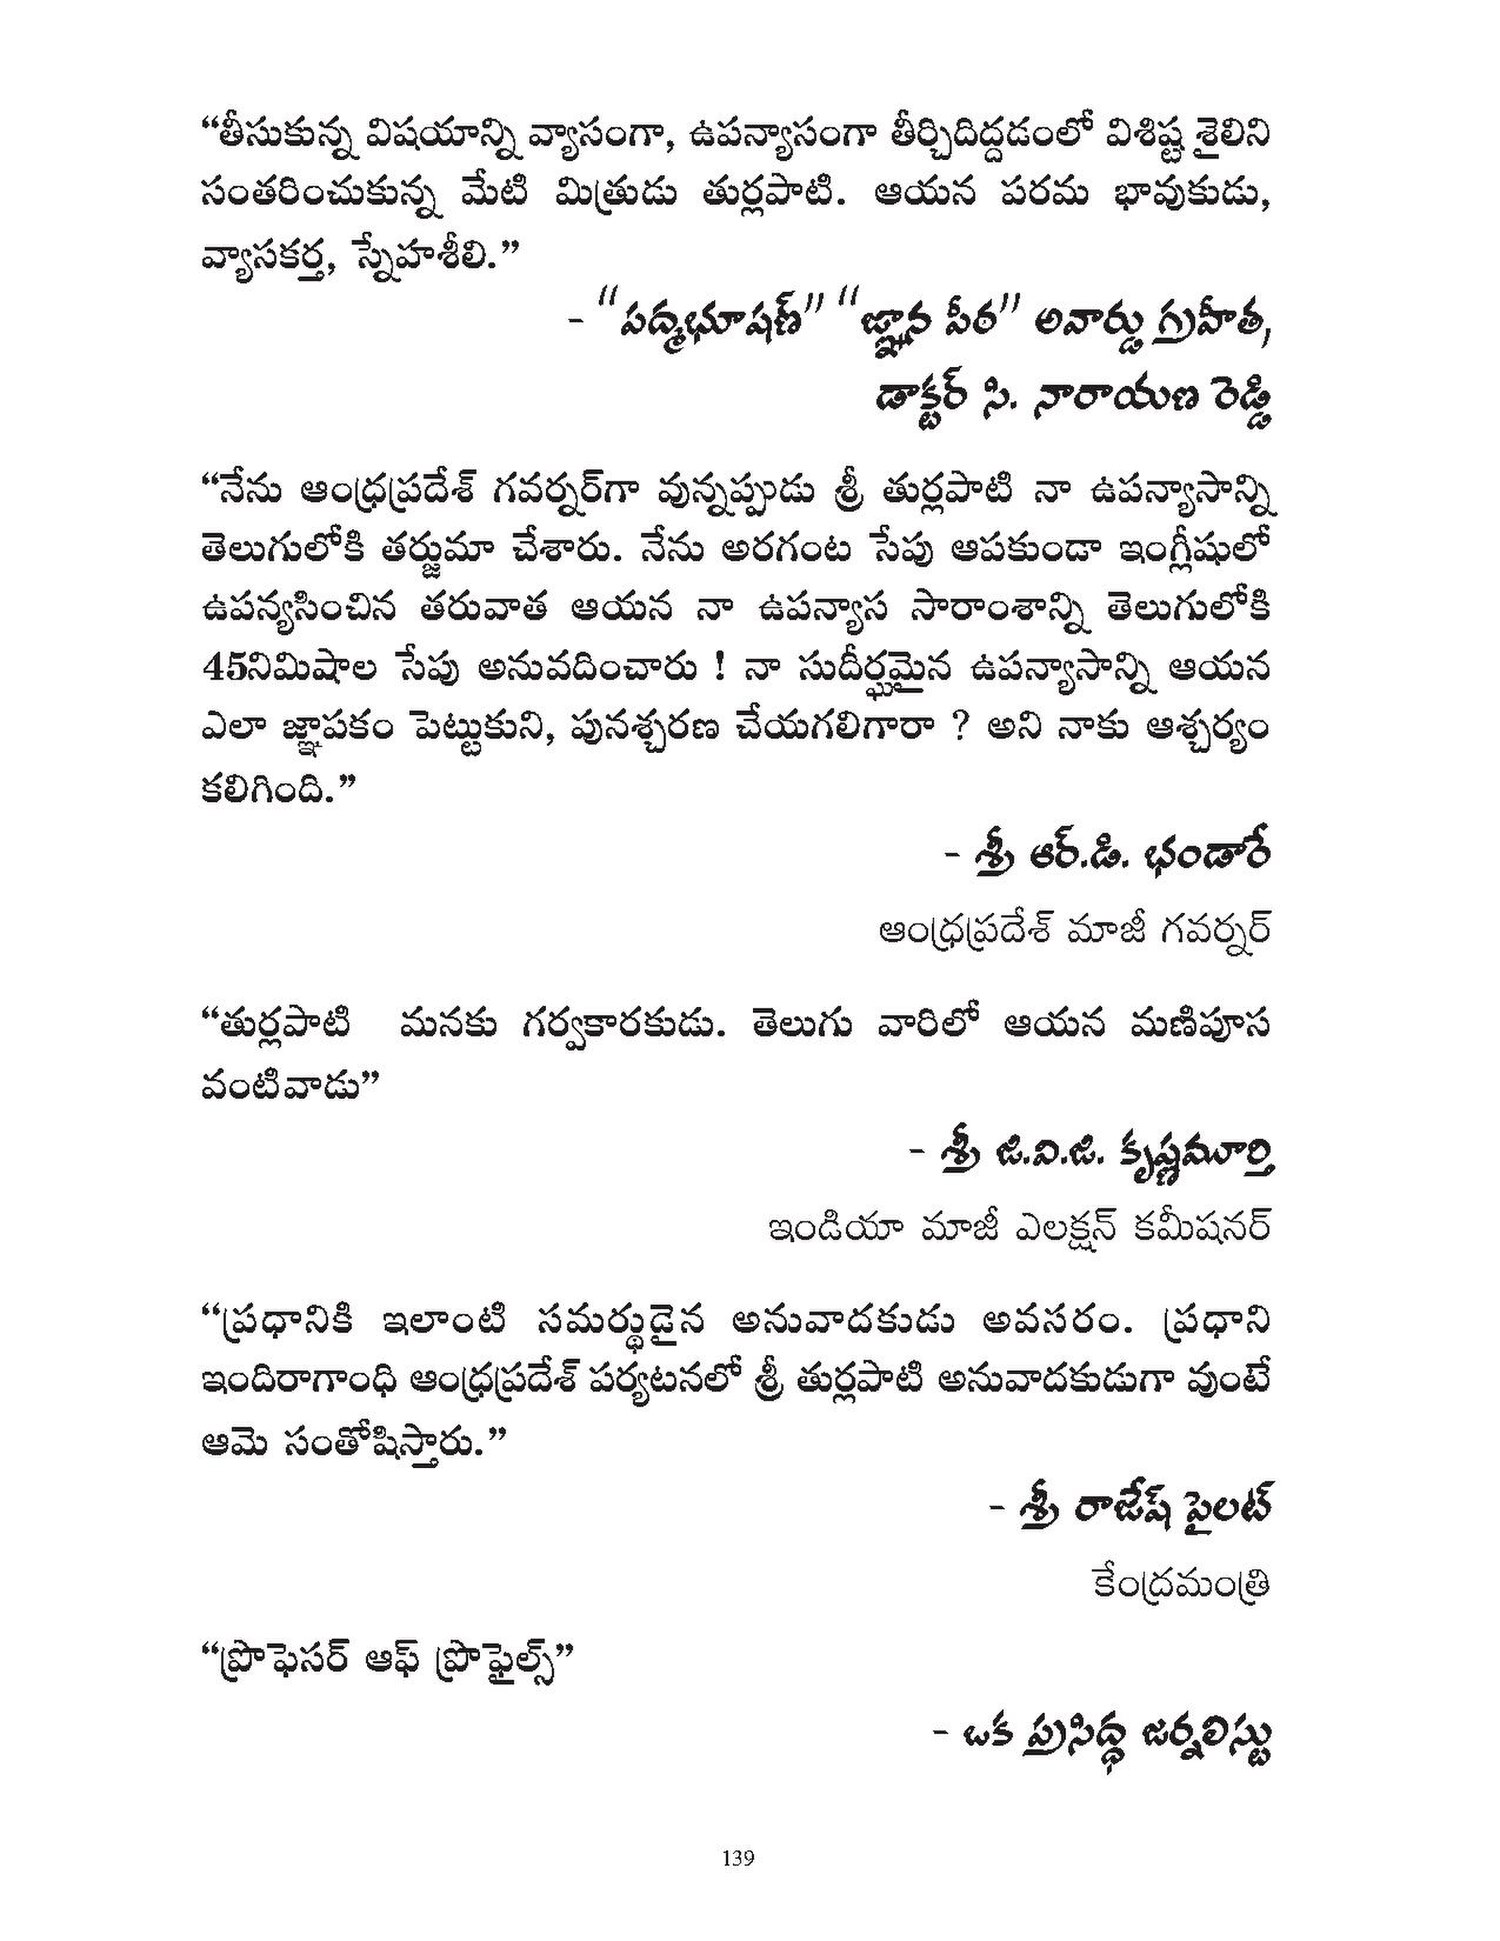"తీసుకున్న విషయాన్ని వ్యాసంగా, ఉపన్యాసంగా తీర్చిదిద్దడంలో విశిష్ట శైలిని సంతరించుకున్న మేటి మిత్రుడు తుర్లపాటి. ఆయన పరమ భావుకుడు,వ్యాసకర్త, స్నేహశీలి."

"నేను ఆంధ్రప్రదేశ్‌ గవర్నర్‌గా వున్నప్పుడు శ్రీ తుర్లపాటి నా ఉపన్యాసాన్ని
తెలుగులోకి తర్జుమా చేశారు. నేను అరగంట సేపు ఆపకుండా ఇంగ్లీషులో
ఉపన్యసించిన తరువాత ఆయన నా ఉపన్యాస సారాంశాన్ని తెలుగులోకి
45నిమిషాల సేపు అనువదించారు ! నా సుదీర్ఘమైన ఉపన్యాసాన్ని ఆయన
ఎలా జ్ఞాపకం పెట్టుకుని, పునశ్చరణ చేయగలిగారా ? అని నాకు ఆశ్చర్యం
కలిగింది."

"తుర్లపాటి మనకు గర్వకారకుడు. తెలుగు వారిలో ఆయన మణిపూస
వంటివాడు"

"ప్రధానికి ఇలాంటి సమర్థుడైన అనువాదకుడు అవసరం. ప్రధాని
ఇందిరాగాంధి ఆంధ్రప్రదేశ్‌ పర్యటనలో శ్రీ తుర్లపాటి అనువాదకుడుగా వుంటే
ఆమె సంతోషిస్తారు."

"ప్రొఫెసర్‌ ఆఫ్‌ ప్రొఫైల్స్‌"